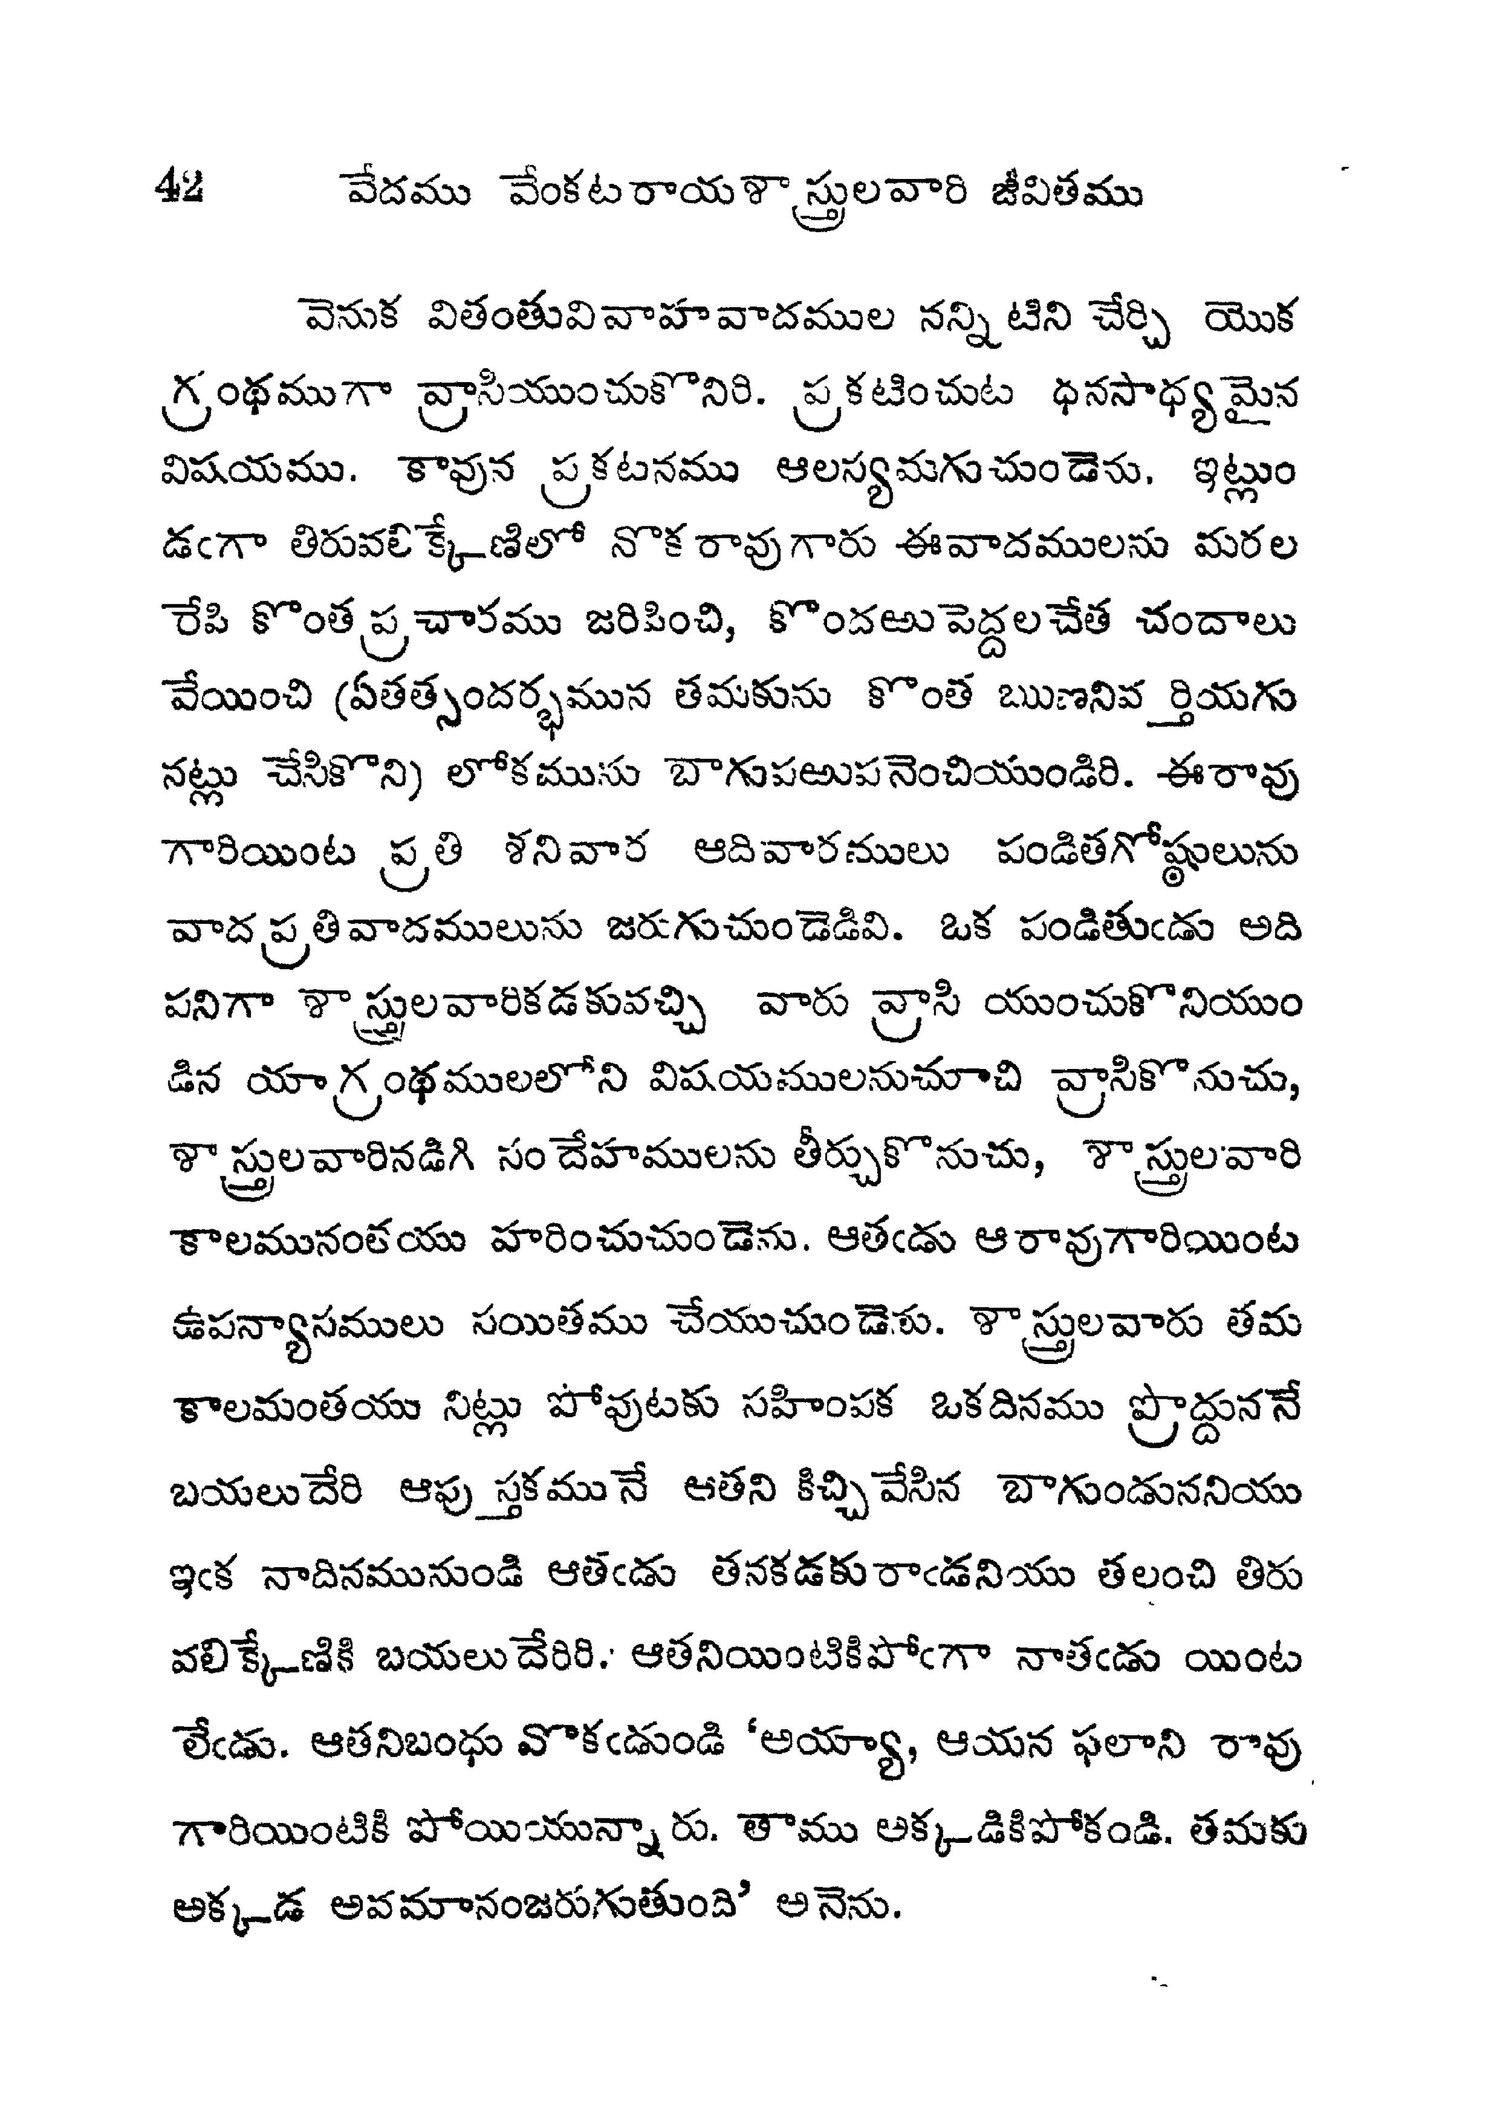వెనుక వితంతువివాహవాదముల నన్నిటిని చేర్చి యొక గ్రంథముగా వ్రాసియుంచుకొనిరి. ప్రకటించుట ధనసాధ్యమైన విషయము. కావున ప్రకటనము ఆలస్యమగుచుండెను. ఇట్లుండగా తిరువలిక్కేణిలో నొక రావుగారు ఈవాదములను మరల రేపి కొంతప్రచారము జరిపించి, కొందఱు పెద్దలచేత చందాలు వేయించి (ఏతత్సందర్భమున తమకును కొంత ఋణనివర్తియగునట్లు చేసికొని) లోకమును బాగుపఱుపనెంచియుండిరి. ఈరావుగారియింట ప్రతి శనివార ఆదివారములు పండితగోష్ఠులును వాదప్రతివాదములును జరుగుచుండెడివి. ఒక పండితుడు అది పనిగా శాస్త్రులవారికడకువచ్చి వారు వ్రాసి యుంచుకొనియుండిన యాగ్రంథములలోని విషయములనుచూచి వ్రాసికొనుచు, శాస్త్రులవారినడిగి సందేహములను తీర్చుకొనుచు, శాస్త్రులవారి కాలమునంతయు హరించుచుండెను. అతడు ఆరావుగారియింట ఉపన్యాసములు సయితము చేయుచుండెను. శాస్త్రులవారు తమ కాలమంతయు నిట్లు పోవుటకు సహింపక ఒకదినము ప్రొద్దుననే బయలుదేరి ఆపుస్తకమునే ఆతని కిచ్చివేసిన బాగుండుననియు ఇక నాదినమునుండి ఆతడు తనకడకురాడనియు తలంచి తిరువలిక్కేణికి బయలుదేరిరి. అతనియింటికిపోగా నాతడు యింటలేడు. ఆతనిబంధు వొకడుండి 'అయ్యా, ఆయన ఫలాని రావుగారియింటికి పోయియున్నారు. తాము అక్కడికిపోకండి. తమకు అక్కడ అవమానంజరుగుతుంది' అనెను.